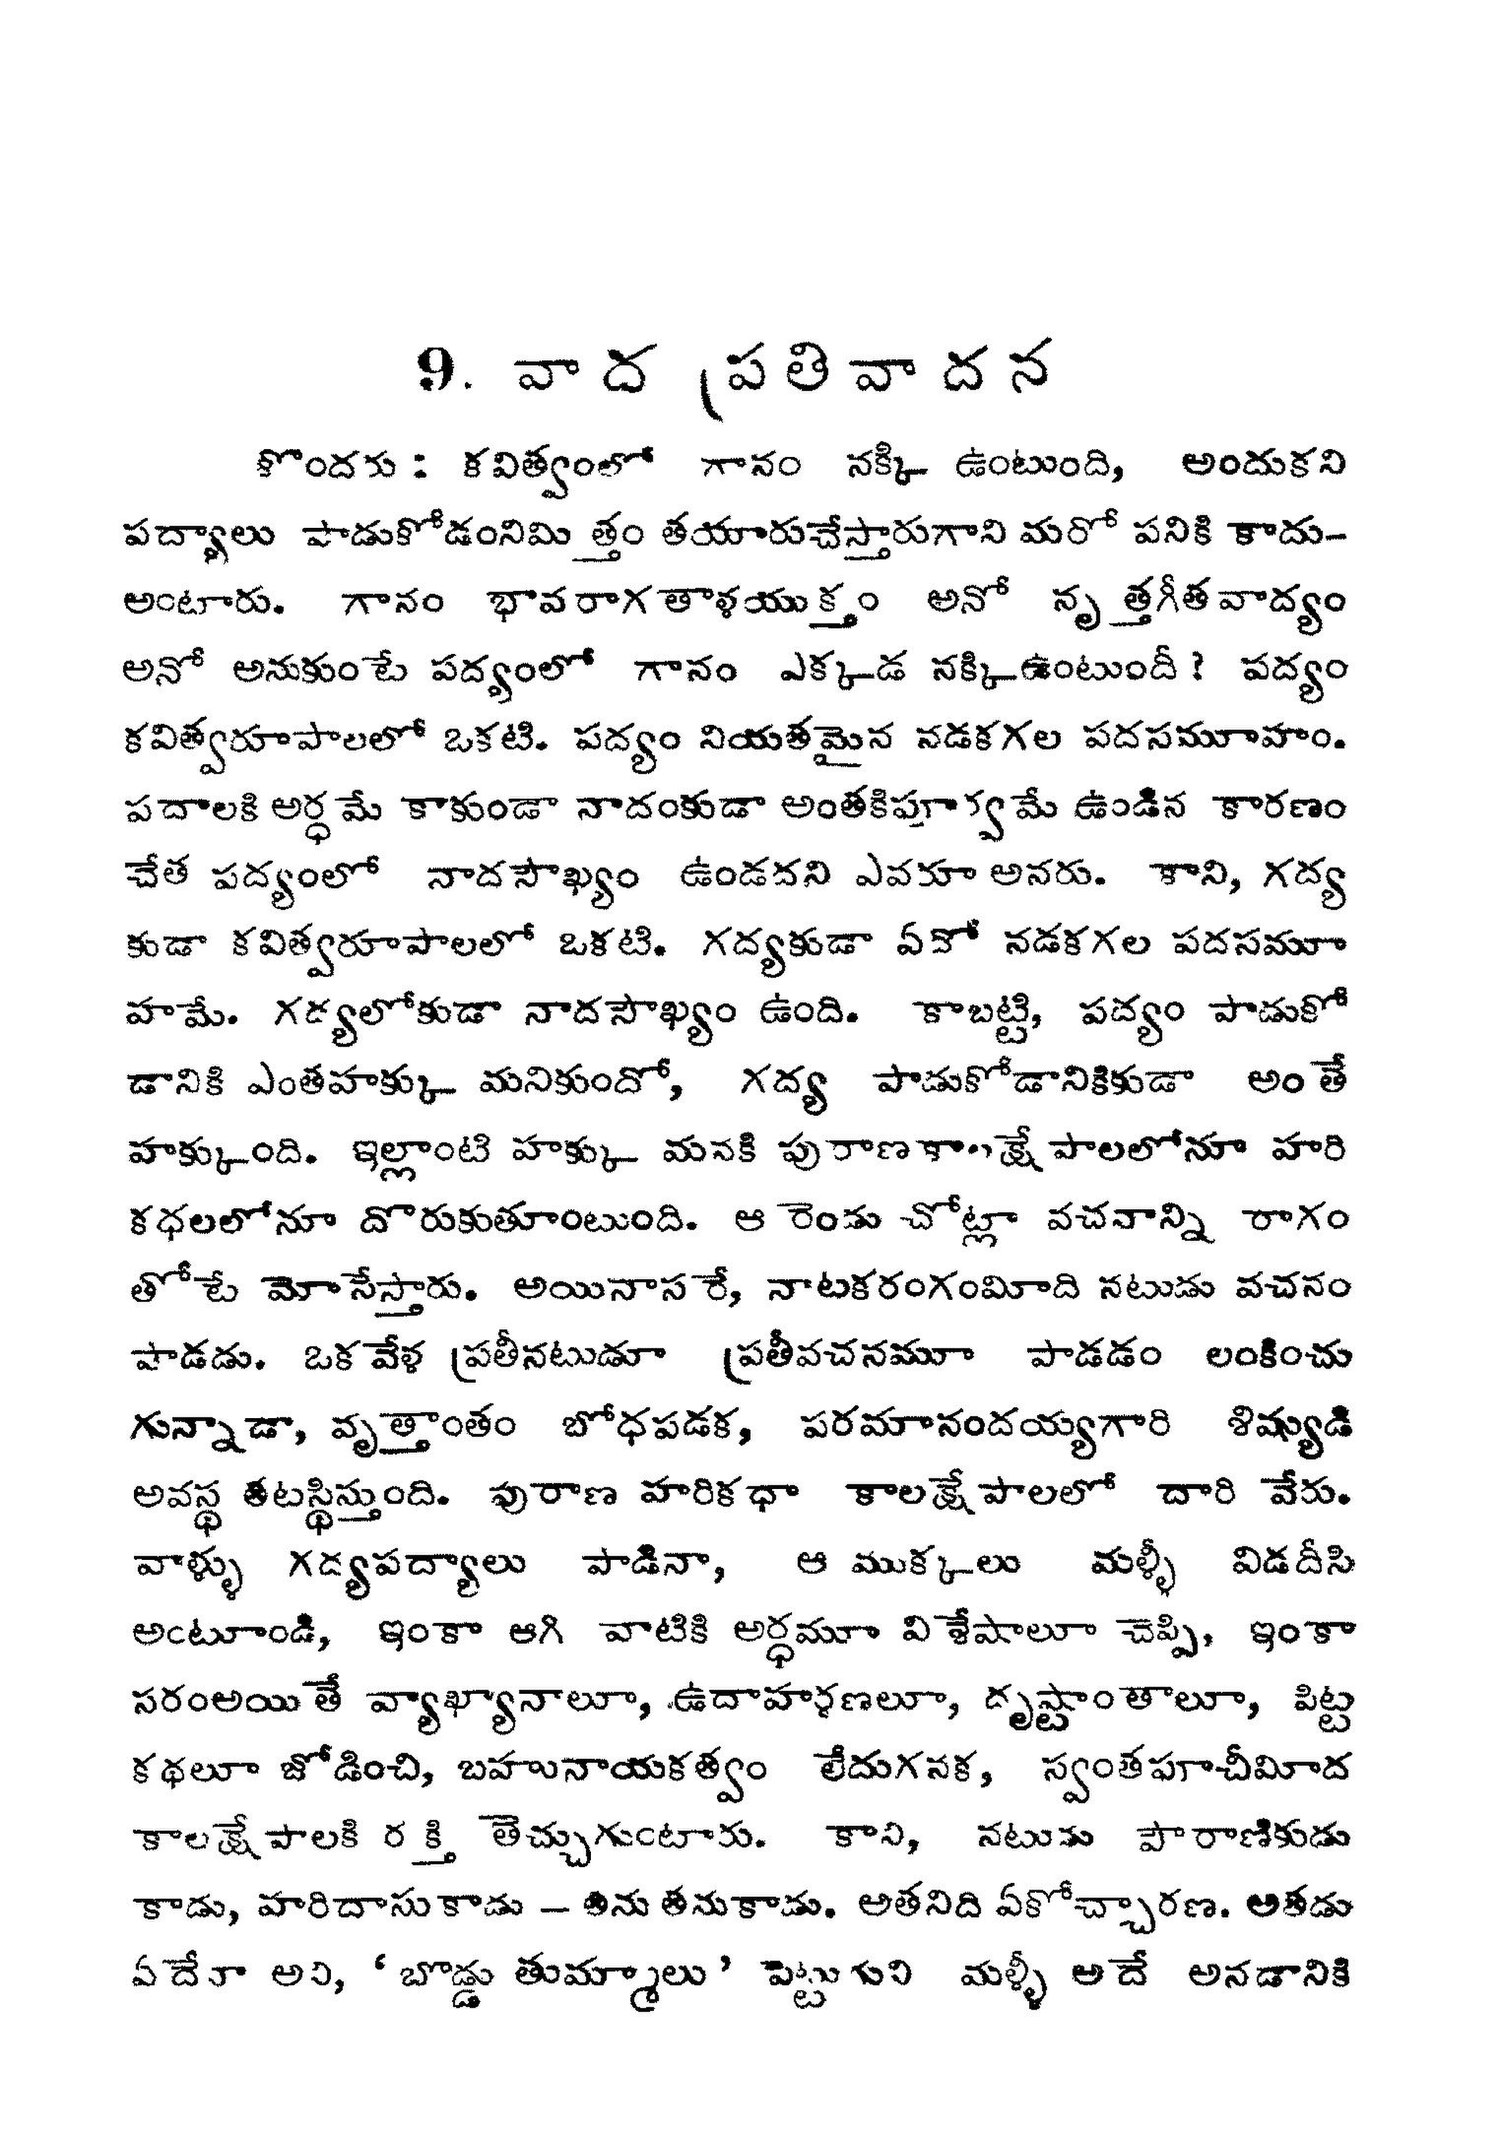9. వాద ప్రతివాదన

కొందరు : కవిత్వంలో గానం నక్కి ఉంటుంది, అందుకని
పద్యాలు పాడుకోడంనిమిత్తం తయారుచేస్తారుగాని మరో పనికి కాదు-
అంటారు. గానం భావరాగతాళయుక్తం అనో నృత్తగీతవాద్యం
అనో అనుకుంటే పద్యంలో గానం ఎక్కడ నక్కిఉంటుందీ ! పద్యం
కవిత్వరూపాలలో ఒకటి. పద్యం నియతమైన నడకగల పదసమూహం.
పదాలకి అర్ధమే కాకుండా నాదంకుడా అంతకిపూర్వమే ఉండిన కారణం
చేత పద్యంలో నాదసౌఖ్యం ఉండదని ఎవరూ అనరు. కాని, గద్య
కుడా కవిత్వరూపాలలో ఒకటి. గద్యకుడా ఏదో నడకగల పదసమూ
హమే. గద్యలోకుడా నాదసౌఖ్యం ఉంది. కాబట్టి, పద్యం పాడుకో
డానికి ఎంతహక్కు మనకుందో, గద్య పాడుకోడానికికుడా అంతే
హక్కుంది. ఇల్లాంటి హక్కు మనకి పురాణకాలక్షేపాలలోనూ హరి
కధలలోనూ దొరుకుతూంటుంది. ఆ రెండు చోట్లా వచనాన్ని రాగం
తోటే మోసేస్తారు. అయినాసరే, నాటకరంగంమీది నటుడు వచనం
పాడడు. ఒకవేళ ప్రతీనటుడూ ప్రతీవచనమూ పాడడం లంకించు
గున్నాడా, వృత్తాంతం బోధపడక, పరమానందయ్యగారి శిష్యుడి
అవస్థ తటస్థిస్తుంది. పురాణ హరికధా కాలక్షేపాలలో దారి వేరు.
వాళ్ళు గద్యపద్యాలు పాడినా, ఆ ముక్కలు మళ్ళీ విడదీసి
అంటూండి, ఇంకా ఆగి వాటికి అర్ధమూ విశేషాలూ చెప్పి, ఇంకా
సరంఅయితే వ్యాఖ్యానాలూ, ఉదాహరణలూ, దృష్టాంతాలూ, పిట్ట
కథలూ జోడించి, బహునాయకత్వం లేదుగనక, స్వంతపూచీమీద
కాలక్షేపాలకి రక్తి తెచ్చుకుంటారు. కాని, నటుడు పౌరాణికుడు
కాడు, హరిదాసుకాడు - తనుతనుకాడు. అతనిది ఏకోచ్చారణ. అతడు
ఏదేనా అని, ' బొడ్డు తుమ్మాలు' పెట్టుకుని మళ్ళీ అదే అనడానికి